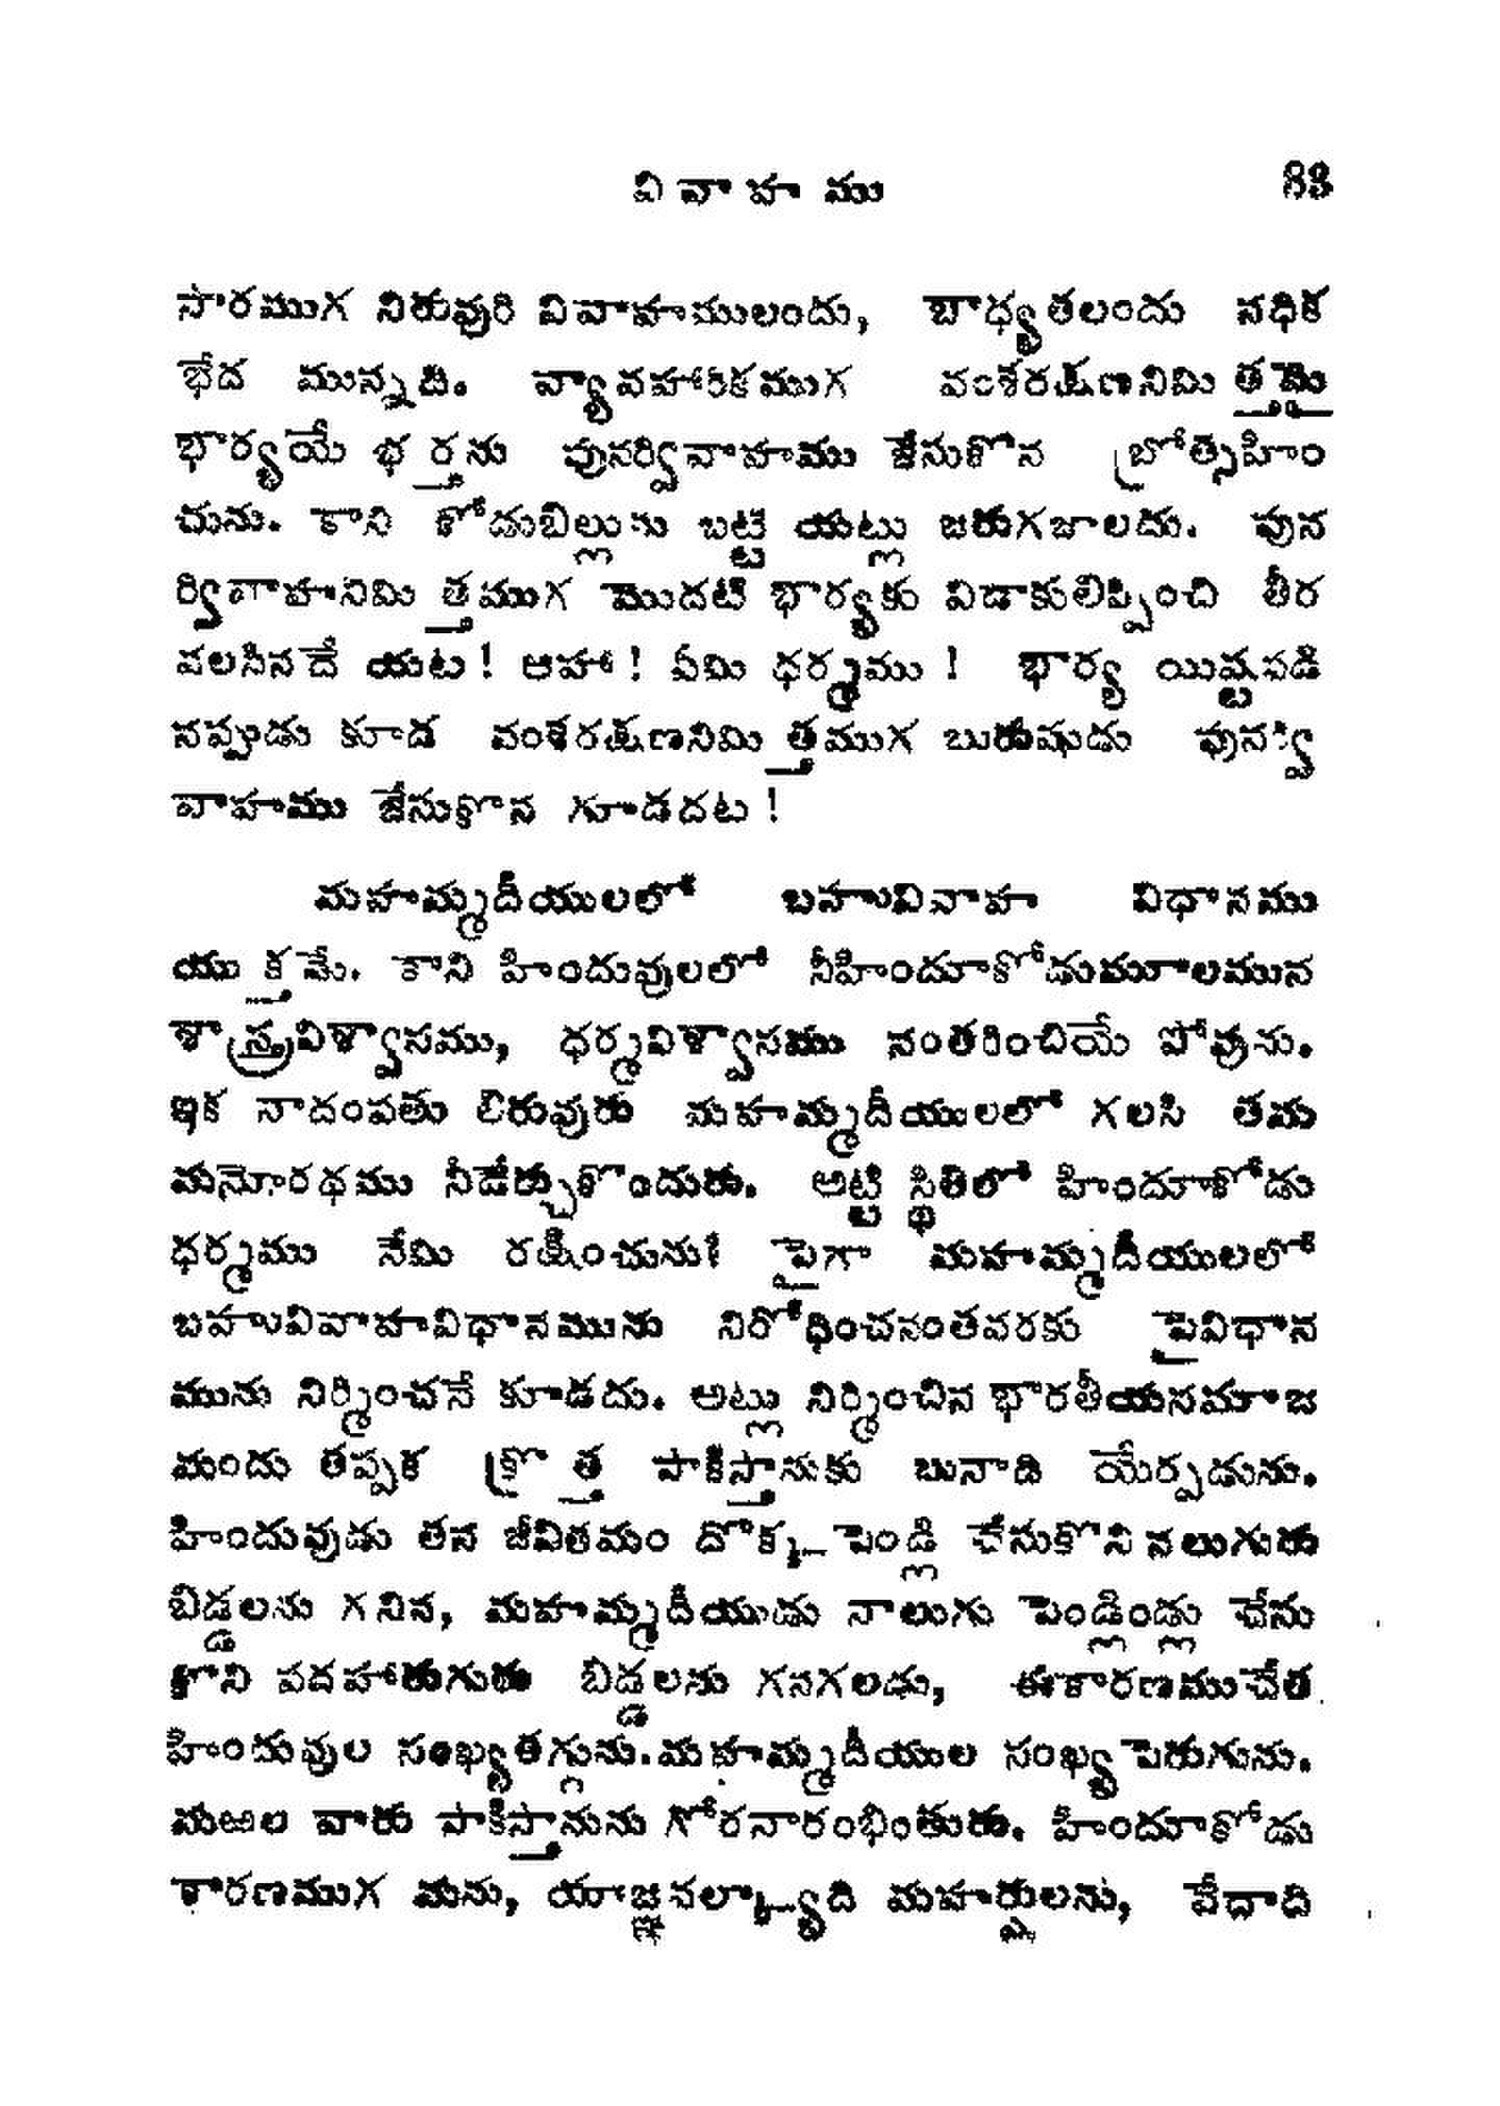సారముగ నిరువురి వివాహములందు, బాధ్యతలందు నధిక
భేదమున్నది. వ్యావహారికముగ వంశరక్షణనిమిత్తమై
భార్యయే భర్తను పునర్వివాహము జేసుకోన బ్రోత్సహిం
చును. కాని కోడుబిల్లును బట్టి యట్లు జరుగజాలదు.
పునర్వివాహనిమిత్తముగ మొదటి భార్యకు విడాకులిప్పించి తీర
వలసినదే యట! ఆహా! ఏమి ధర్మము ! భార్య యిష్టపడి
నప్పుడు కూడ వంశరక్షణనిమిత్తముగ బురుషుడు పునర్వి
వాహము జేసుకొన గూడదట!

మహమ్మదీయులలో బహువివాహవిధానము
యుక్తమే. కాని హిందువులలో నీహిందూకోడుమూలమున
శాస్త్రవిశ్వాసము, ధర్మవిశ్వాసము సంతరించియే పోవును.
ఇక నాదంపతు లిరువురు మహమ్మదీయులలో గలసి తమ
మనోరథము నీడేర్చుకొందురు. అట్టి స్థితిలో హిందూకోడు
ధర్మము నేమి రక్షించును? పైగా మహమ్మదీయులలో
బహువివాహవిధానమును నిరోధించనంతవరకు పైవిధానమును 
నిర్మించనే కూడదు. అట్లు నిర్మించిన భారతీయసమాజ
మందు తప్పక క్రొత్త పాకిస్తానుకు బునాది యేర్పడును.
హిందువుడు తన జీవితమం దొక్క పెండ్లి చేసుకొని నలుగురు
బిడ్డలను గనిన, మహమ్మదీయుడు నాలుగు పెండ్లిండ్లు చేసు
కొని పదహారుగురు బిడ్డలను గనగలడు, ఈకారణముచేత.
హిందువుల సంఖ్యతగ్గును. మహమ్మదీయుల సంఖ్య పెరుగును.
మఱల వారు పాకిస్తానును గోరనారంభింతురు, హిందూకోడు
కారణముగ మను, యాజ్ఞవల్క్యాది మహర్షులను, వేదాది